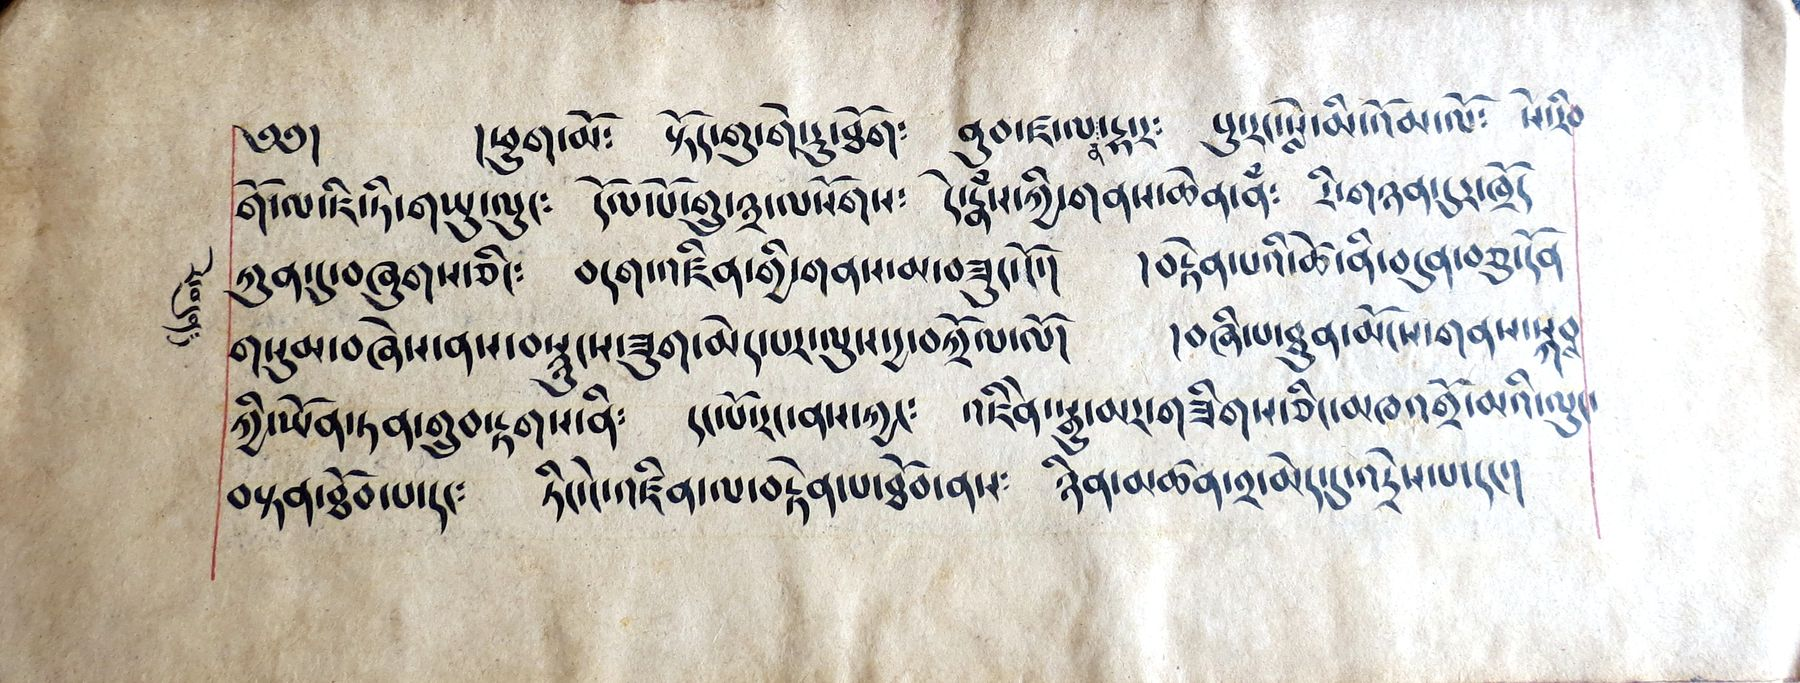ཕྱུག་མོ། སྟོད་གུ་གེ་རུ་ཐོག ནུབ་ཛཱ་ལན་རྡ་ར། པུ་རང་སླེ་མིོ། འོམ་ལོ། སེ་རིབ། 
གོ་ལ། ཇི་ཏི། གཡུ་ལུང་། དོལ་པོ་གྲུ་གསུམ་ལས་སོགས། དེ་རྣམས་ཀྱི་གནས་ཆེན་ནམ། རི་གཉན་དུར་ཁྲོད་
ཀུན་དུ་བཞུགས་ཤིང་། བདག་འཛིན་གྱི་གནས་མ་བཟུང་ངོ་། །བརྟེན་པའི་ཚེ་ནི་བདུན་ཅུ་དོན་
གསུམ་བཞེས་ནས། བསྙུང་ཟུག་མེད་པར་ལུས་རྒྱ་བཀྲོལ་ལོ། །བཞི་པ་ཐུན་མོང་གནས་སྐབས་
ཀྱི་ཡོན་ཏན་གྲུབ་རྟགས་ནི། དང་པོ་རང་ནས་ཀྱང་འཇིག་རྟེན་སྒྱུ་མར་གཟིགས་ཤིང་མཁའ་འགྲོ་མའི་ལུང་
བསྟན་ཐོབ་པ་དང་། ཏིང་ངེ་འཛིན་ལ་བརྟན་པ་ཐོབ་ནས་ཉིན་མཚན་གཉིས་མེད་དུ་འདྲེས་པ་དང་།